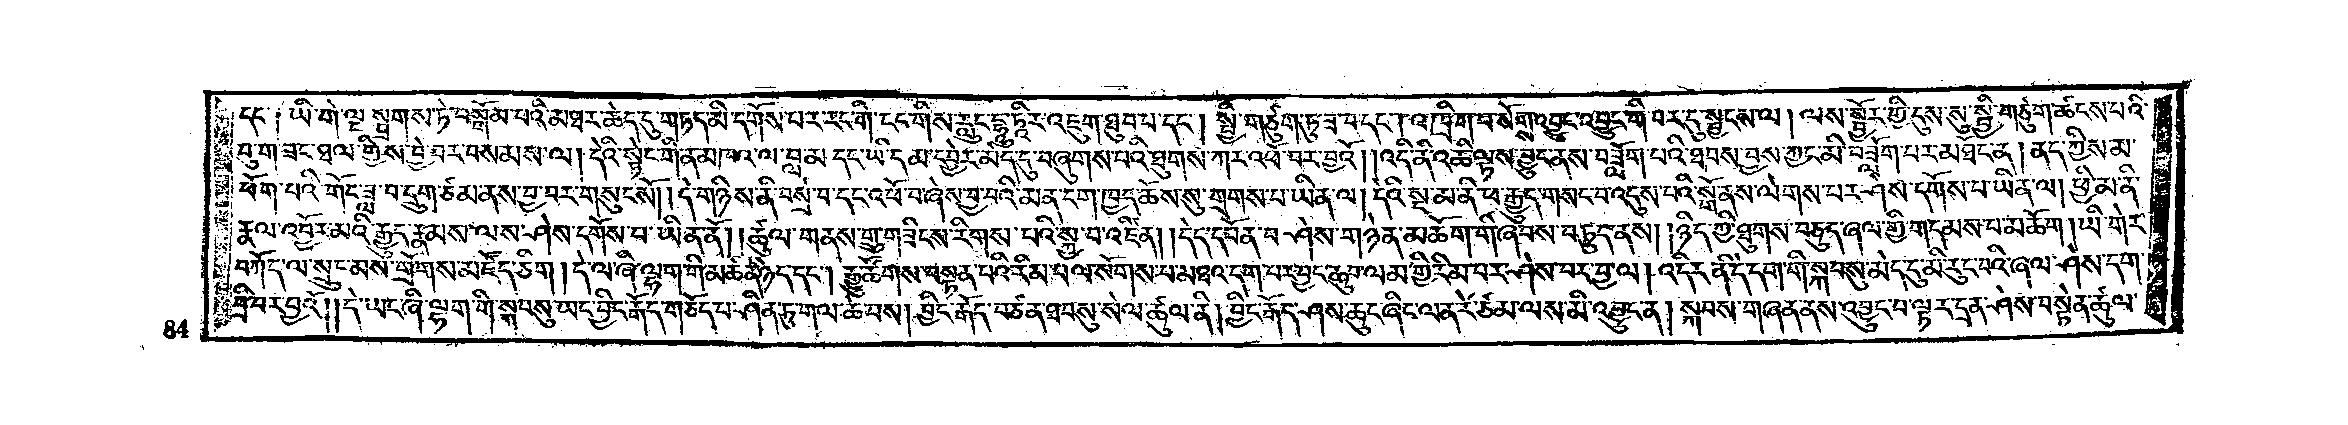དང་། ཡི་གེ་ལྔ་སྦྲགས་ཏེ་བསྒོམ་པའི་མཐར་ཆེད་དུ་གཏད་མི་དགོས་པར་རང་གི་ངང་གིས་རླུང་དྷཱུ་ཏཱིར་འཇུག་ཐུབ་པ་དང་། སྤྱི་གཙུག་ཏུ་ཟ་བ་དང་། འཁྲིག་པ་སོགས་འབྱུང་འབྱུང་གི་བར་དུ་སྦྱངས་ལ། ལས་སྦྱོར་གྱི་དུས་སུ་སྤྱི་གཙུག་ཚངས་པའི་
བུ་ག་ཟང་ཐལ་གྱིས་བྱེ་བར་བསམས་ལ། དེའི་སྟེང་གི་ནམ་མཁའ་ལ་བླ་མ་དང་ཡི་དམ་དབྱེར་མེད་དུ་བཞུགས་པའི་ཐུགས་ཀར་འཕོ་བར་བྱའོ། །འདི་ནི་འཆི་ལྟས་བྱུང་ནས་བཟློག་པའི་ཐབས་བྱས་ཀྱང་མི་བཟློག་པར་མཐོང་ན། ནད་ཀྱིས་མ་
ཕོག་པའི་གོང་ཟླ་བ་དྲུག་ཙམ་ནས་བྱ་བར་གསུངས་སོ། །དེ་གཉིས་ནི་བསྲེ་བ་དང་འཕོ་བ་ཞེས་བྱ་བའི་མན་ངག་ཁྱད་ཆོས་སུ་གྲགས་པ་ཡིན་ལ། དེའི་སྔ་མ་ནི་ཕ་རྒྱུད་གསང་བ་འདུས་པའི་སྒོ་ནས་ལེགས་པར་ཤེས་དགོས་པ་ཡིན་ལ། ཕྱི་མ་ནི་
རྣལ་འབྱོར་མའི་རྒྱུད་རྣམས་ལས་ཤེས་དགོས་པ་ཡིན་ནོ། །ཚུལ་གནས་གྲུ་གཟིངས་རིགས་པའི་སྐྱ་བ་འཛིན། །དེད་དཔོན་བཤེས་གཉེན་མཆོག་གི་ཞབས་བཏུད་ནས། །ཉིད་ཀྱི་ཐུགས་བཅུད་ཞལ་གྱི་གདམས་པ་མཆོག །ཡི་གེར་
བཀོད་ལ་སྲུང་མས་གྲོགས་མཛོད་ཅིག །དེ་ལ་ཞི་ལྷག་གི་མཚན་ཉིད་དང་། རྒྱུ་ཚོགས་བསྟན་པའི་རིམ་པ་ལ་སོགས་པ་མཐའ་དག་པར་བྱང་ཆུབ་ལམ་གྱི་རིམ་པར་ཤེས་པར་བྱ་ལ། འདིར་ནི་དེ་དག་གི་སྐབས་སུ་མེད་དུ་མི་རུང་བའི་ཞལ་ཤེས་དག་
བྲི་བར་བྱའོ། །དེ་ཡང་ཞི་ལྷག་གི་སྐབས་སུ་ཡང་བྱིང་རྒོད་གཅོད་པ་ཤིན་ཏུ་གལ་ཆེ་བས། བྱིང་རྒོད་བཙན་ཐབས་སུ་སེལ་ཚུལ་ནི། བྱིང་རྒོད་ཤས་ཆུང་ཞིང་ལན་རེ་ཙམ་ལས་མི་འབྱུང་ན། སྐབས་གཞན་ནས་འབྱུང་བ་ལྟར་དྲན་ཤེས་བསྟེན་ཚུལ་